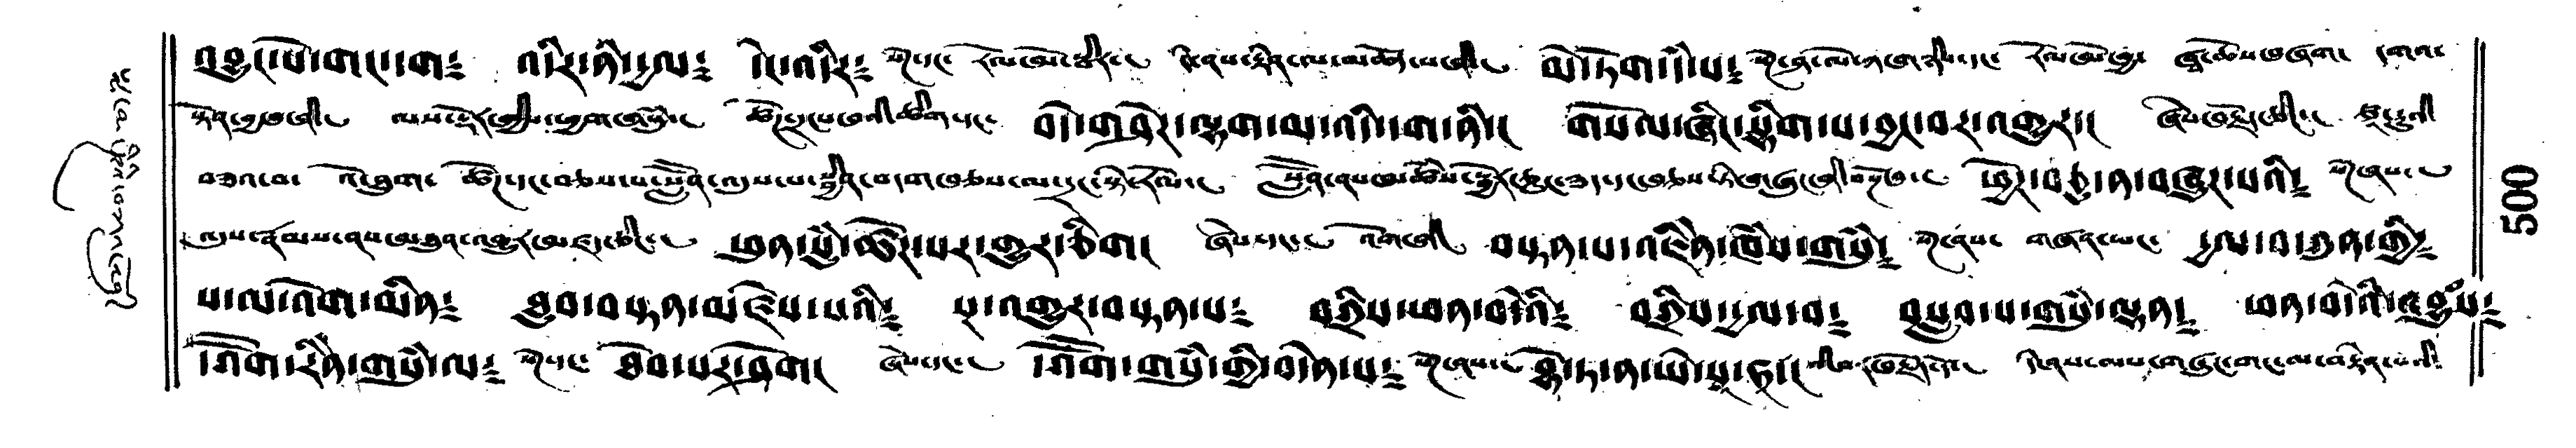འབྱུང་པོ་གང་དག༴ འདིར་ནི་རྒྱལ༴ དེང་འདིར༴ སོགས་དང་། རོལ་མོ་སྦིར། དེ་ནས་རྟེན་ལ་མཆོད་པ་ནི། མེ་ཏོག་དམ་པ༴ སོགས་ཤླཽ་ཀ་གཉིས་དང་། རོལ་མོ་བྱ། ཞྭ་ཆོས་བཞག དགའ་
སྟོན་བྱ་བ་ནི། ལས་རྡོར་གྱིས་ཕྱག་གསུམ། ཚོགས་དྲངས་བའི་ཚིག་དང་། བདེ་གཤེགས་ལྷག་མ་འདི་དག་ནི། གསོལ་ཞིང་སྡིག་པ་བྱང་བར་འགྱུར། ཞཻས་བརྗོད་ཅིང་། ཙཱ་རུའི་
བཟའ་བ། འོ་ཐུག ཚོགས་དང་བཅས་པ་སློབ་དཔོན་འདུས་པ་སྦྱིན་བདག་བཅས་ལ་དྲངས་ཏེ་རོལ། སློབ་དཔོན་ནས་མཚམས་སྦྱོར་ཅུང་ཟད་དང་བཅས་ཏེ་གཞུང་གི་བསྔོ་བ། ཕྱོགས་བཅུ་ན་བཞུགས་པའི༴ སོགས་ནས། 
འདུས་པ་རྣམས་ནས་མཐུན་འགྱུར་མཛད་ཅིང་། ཕུན་སུམ་ཚོགས་པར་གྱུར་ཅིག ཞེས་དང་། འོག་གིསྟོན་པ་འཇིག་རྟེན་ཁམས་སུ༴ སོགས་ནས་གཞན་ཡང་། རྒྱལ་བ་ཀུན་གྱི༴ 
ས་ལ་འོག་མིན༴ ཐུབ་བསྟན་མཛེས་པའི༴ སྔ་འགྱུར་བསྟན་པ༴ བཀྲ་ཤིས་ཕན་བདེའི༴ བཀྲ་ཤིས་རྒྱལ་བ༴ བསླབ་པ་གསུམ་ལྡན༴ ཕན་བདེའི་འབྱུང་གནས༴ 
དཀོན་མཆོག་རིན་ཆེན་གསུམ་ལ༴ སོགས་ནས་ཐོབ་པར་ཤོག ཞེས་དང་། དཀོན་མཆོག་གསུམ་གྱི་བདེན་པ༴ སོགས་ནས་བྷོ་ཏ་ན་ཡེ་སྭ་ཧ འའི་བར་བརྗོད་དོ། དེ་ནས་ལས་གཞུང་གང་ལ་བརྟེན་པའི་